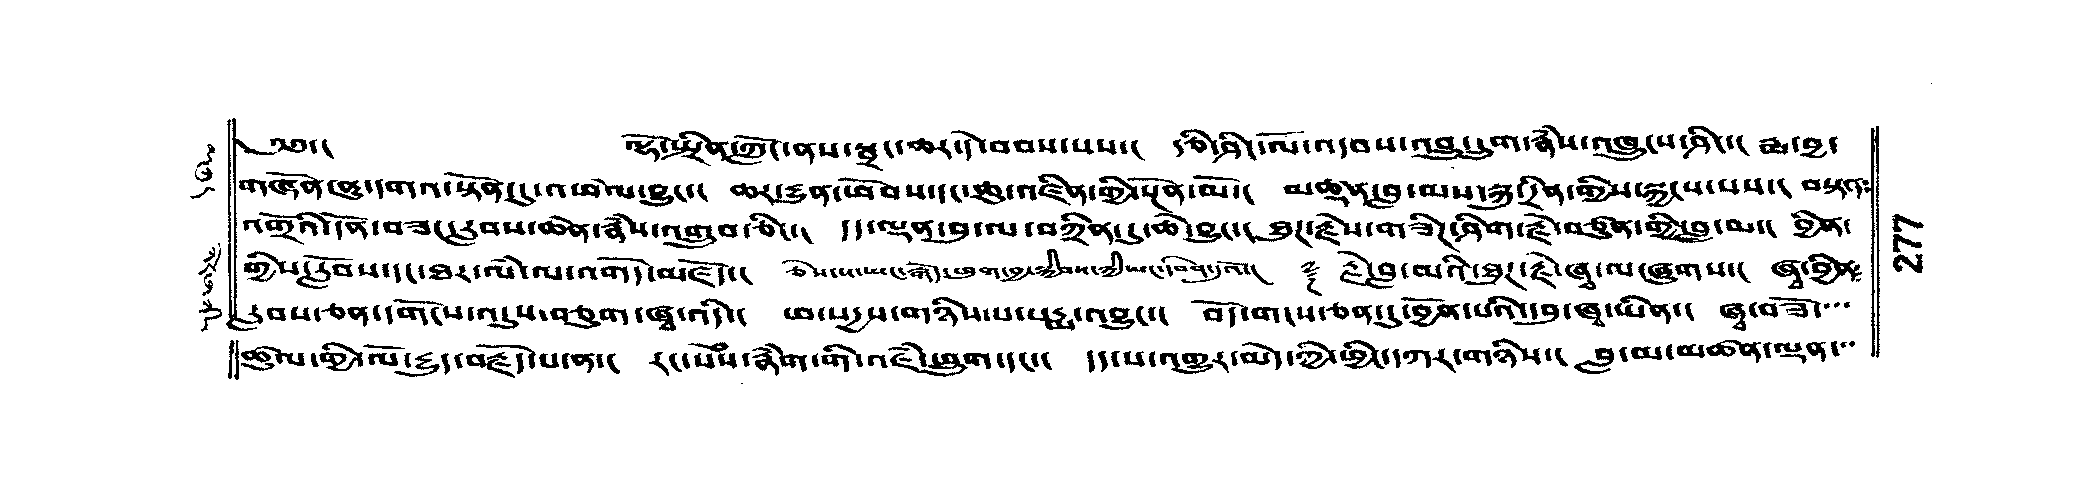།ལྷོ་སྤྲིན་ཀློང་ནས་སྦྲང་ཆར་དེ་བབས་པས། །རྩི་ཤིང་ལོ་འདབ་འབྲུ་དྲུག་རྣམས་འཁྲུངས་ཤིང་། །རྨ་བྱ་
གཞོན་ནུའི་དགའ་སྟོན་དུ་འཕེལ་བྱུང་། །ཆར་རྒྱུན་ཕོབས་དང་ཆུ་འཛིན་གྱི་སྔོན་མོ། །མཚན་ལྡན་བླ་མའི་སྐུ་དྲིན་གྱིས་སྐྱངས་པས། །བསྟན་
འགྲོའི་དོན་བཟང་རླབས་ཆེན་རྣམས་འགྲུབ་ཅིང་། །དད་ལྡན་བུ་ལ་བཀའ་དྲིན་དུ་ཆེ་བྱུང་། །ཐུགས་རྗེས་གཟིགས་ཤིག་རྗེ་བཙུན་གྱི་བླ་མ། །བྱིན་
གྱིས་རློབས་དང་ཐར་ལམ་ལ་འགོད་མཛོད། །ཅེས་པ་ཡང་རྒོད་ཕུག་བྱ་སྐྱིབས་ཀྱི་ཡང་དབེན་དུའོ།། ༈ རྗེ་བླ་མའི་ཐུགས་རྗེ་ཞྭ་ལ་ཞུགས། །ཞྭ་བྱིན་
རླབས་ཅན་དགོངས་འདུས་གཙུག་ཞྭ་འདི། །ཕ་སངས་རྒྱས་གཉིས་པ་པདྨ་འབྱུང་། །བོད་གངས་ཅན་དུ་བྱོན་པའི་དབུ་ཞྭ་ཡིན། །ཞྭ་བཟོ་
ཚུལ་གྱི་ལོ་རྒྱུས་བརྗོད་པ་ན། །རང་སེམས་རྣམ་དག་གི་འཇམ་ཕྲུག་དང་། །དད་པ་འགྱུར་མེད་ཀྱི་ཕྱིང་དཀར་གཉིས།བླ་མ་མཚན་ལྡན་